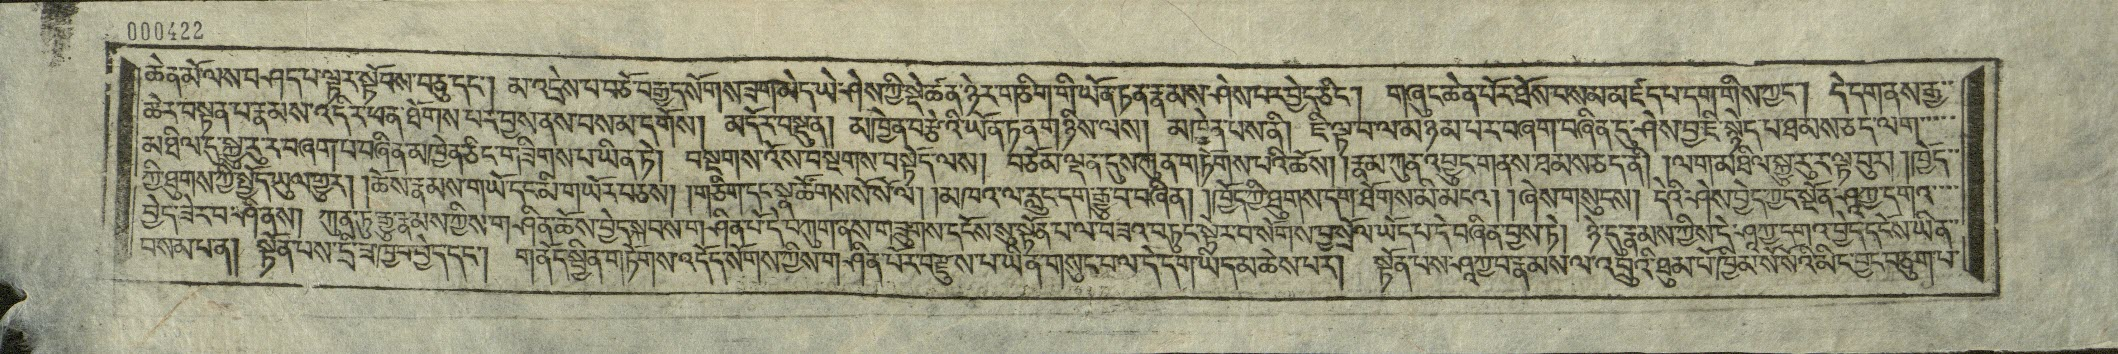ཆེན་མོ་ལས་བཤད་པ་ལྟར་སྟོབས་བཅུ་དང་། མ་འདྲེས་པ་བཅོ་བརྒྱད་སོགས་ཟག་མེད་ཡེ་ཤེས་ཀྱི་སྡེ་ཚན་ཉེར་གཅིག་གི་ཡོན་ཏན་རྣམས་ཤེས་པར་བྱེད་ཅིང་། གཞུང་ཆེན་པོར་ཐོས་བསམ་མཛད་པ་དག་གིས་ཀྱང་། དེ་དག་ནས་རྒྱ་
ཆེར་བསྟན་པ་རྣམས་འདིར་ཕན་ཐོགས་པར་བྱས་ནས་བསམ་དགོས། མདོར་བསྡུ་ན། མཁྱེན་བརྩེའི་ཡོན་ཏན་གཉིས་ལས། མཁྱེན་པས་ནི། ཇི་ལྟ་བ་ལ་མཉམ་པར་བཞག་བཞིན་དུ་ཤེས་བྱ་ཇི་སྙེད་པ་ཐམས་ཅད་ལག་
མཐིལ་དུ་སྐྱུ་རུ་ར་བཞག་པ་བཞིན་མཁྱེན་ཅིང་གཟིགས་པ་ཡིན་ཏེ། བསྔགས་འོས་བསྔགས་བསྟོད་ལས། བཅོམ་ལྡན་དུས་ཀུན་གཏོགས་པའི་ཆོས། །རྣམ་ཀུན་འབྱུང་གནས་ཐམས་ཅད་ནི། །ལག་མཐིལ་སྐྱུ་རུ་ར་ལྟ་བུར། །ཁྱོད་
ཀྱི་ཐུགས་ཀྱི་སྤྱོད་ཡུལ་གྱུར། །ཆོས་རྣམས་གཡོ་དང་མི་གཡོར་བཅས། །གཅིག་དང་སྣ་ཚོགས་སོ་སོ་ལ། །མཁའ་ལ་རླུང་དག་རྒྱུ་བ་བཞིན། །ཁྱོད་ཀྱི་ཐུགས་དག་ཐོགས་མི་མངའ། །ཞེས་གསུངས། དེའི་ཤེས་བྱེད་ཀྱང་སྔོན་ཤཱཀྱ་དགའ་
བྱེད་ཟེར་བ་ཤི་ནས། ཀུན་ཏུ་རྒྱུ་རྣམས་ཀྱིས་གཤིན་ཆོས་བྱེད་སྐབས་གཤིན་པོ་དེ་བཀུག་ནས་གཟུགས་དངོས་སུ་སྟོན་པ་ལ་བཟའ་བཏུང་སྟེར་བ་སོགས་བྱ་སྲོལ་ཡོད་པ་དེ་བཞིན་བྱས་ཏེ། ཉེ་དུ་རྣམས་ཀྱིས་དེ་ཤཱཀྱ་དགའ་བྱེད་དངོས་ཡིན་
བསམ་པ་ན། སྟོན་པས་དྲི་ཟ་ཁྱབ་བྱེད་དང་། གནོད་སྦྱིན་གཏོགས་འདོད་སོགས་ཀྱིས་གཤིན་པོར་བརྫུས་པ་ཡིན་གསུང་བ་ལ་དེ་དག་ཡིད་མ་ཆེས་པར། སྟོན་པས་ཤཱཀྱ་བ་རྣམས་ལ་འབྲུའི་ཐུམ་པོ་ཁྱིམ་སོ་སོའི་མིང་བྱང་བཅུག་པ་